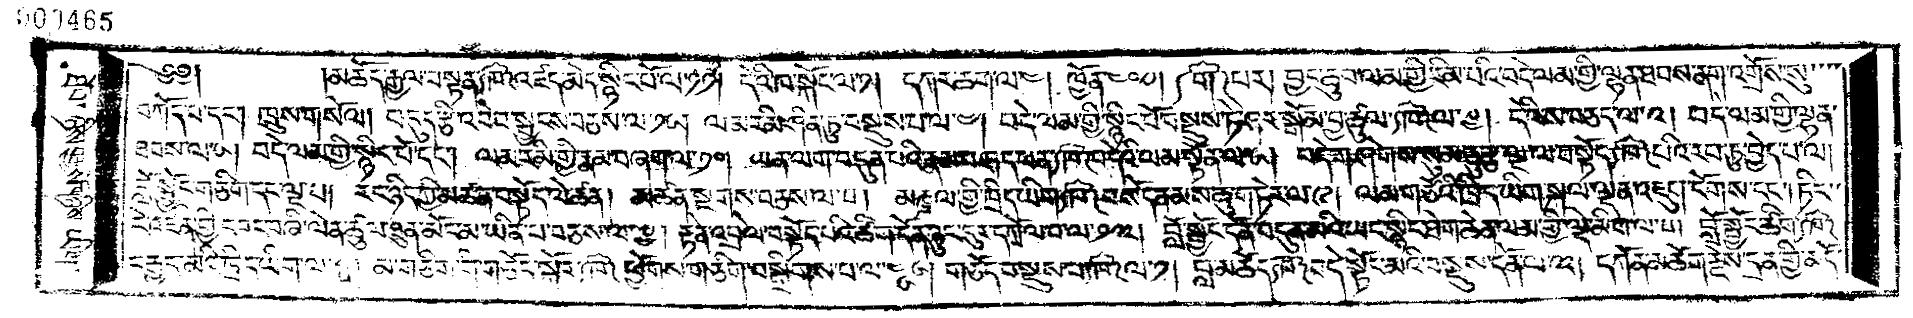༄༅། །མཆོད་རྒྱལ་བསྟན ༼ཁ༽ འཛད་མེད་སྙིང་པོ་ལ ༡༡། དེའི་ཁ་སྐོང་ལ ༡། དཀར་ཆག་ལ ༤། ཁྱོན ༤༠༦། ༼ག༽ པར། བྱང་ཆུབ་ལམ་གྱི་རིམ་པའི་བདེ་ལམ་གྱི་ལྷན་ཐབས་ནག་འགྲོས་སུ་
བཀོད་པ་དང་། ཁྲུས་གསོལ། བདུད་རྩི་འབེབ་སྦྱངས་བཅས་ལ ༡༦། ལམ་རིམ་ཤིན་ཏུ་བསྡུས་པ་ལ ༤། བདེ་ལམ་གྱི་སྙིང་པོ་བསྡུས་ཏེ་ཤར་སྒོམ་བྱ་ཚུལ ༼ཁ༽ ལ ༧༤། དེའི་ས་བཅད་ལ༢། བདེ་ལམ་གྱི་ལྷན་
ཐབས་ལ༦། བདེ་ལམ་གྱི་སྙིང་པོ་དང་། ལམ་རིམ་གྱི་རྣམ་བཞག་ལ༡༠། ཡན་ལག་བདུན་པའི་རྣམ་པར་བཤད་ཕན ༼ཁ༽ བདེའི་ལམ་སྟོན་ལ ༦། བདེ་གཤེགས་སུམ་ཅུ་རྩ་ལྔ་བསྟོད ༼ཁ༽ པའི་རབ་ཏུ་བྱེད་པ་ལ།
བློ་སྦྱོང་གཅིག་དང་ལྔ་པ། རང་ཉིད་ཀྱི་མཚན་བསྟོད་ལེ་ཚན། མཚན་སྔགས་བཅས་ལ ༥། མཎྜལ་གྱི་ཁྲིད་ཡིག ༼ཁ༽ བསོད་ནམས་ཆུ་གཏེར་ལ ༩། ལམ་གཙོའི་ཁྲིད་ཡིག་སྐལ་ལྡན་འཇུག་ངོགས་དང་། ཏིང་
ངེ་འཛིན་གྱི་དབང་བཞི་ལེན་ཚུལ་ཐུན་མོང་མ་ཡིན་པ་བཅས་ལ ༧༤། རྟེན་འབྲེལ་བསྟོད་པའི་ཚིག་དོན་ཉུང་དུར་དཀྲོལ་བ་ལ༡༣། བློ་སྦྱོང་དོན་བདུན་པའི་ཡང་སྙིང་ཐེག་ཆེན་ལམ་གྱི་ལྡེ་མིག་ལ ༥། བློ་སྦྱོང་ཚིག ༼ཁ༽
བརྒྱད་མའི་ཁྲིད་ཡིག་ལ ༨༥། མ་གཅིག་གི་གཅོད་སྐོར ༼ཁ༽ ཕྱོགས་གཅིག་བསྒྲིགས་པ་ལ ༤༦༦། གཅོད་བསྡུས་པ ༼ཁ༽ ལ ༡། བླ་མཆོད ༼ཁ༽ བདེ་སྟོང་མའི་བསྡུས་དོན་ལ ༣། དཀོན་མཆོག་རྗེས་དྲན་གྱི་མདོ་